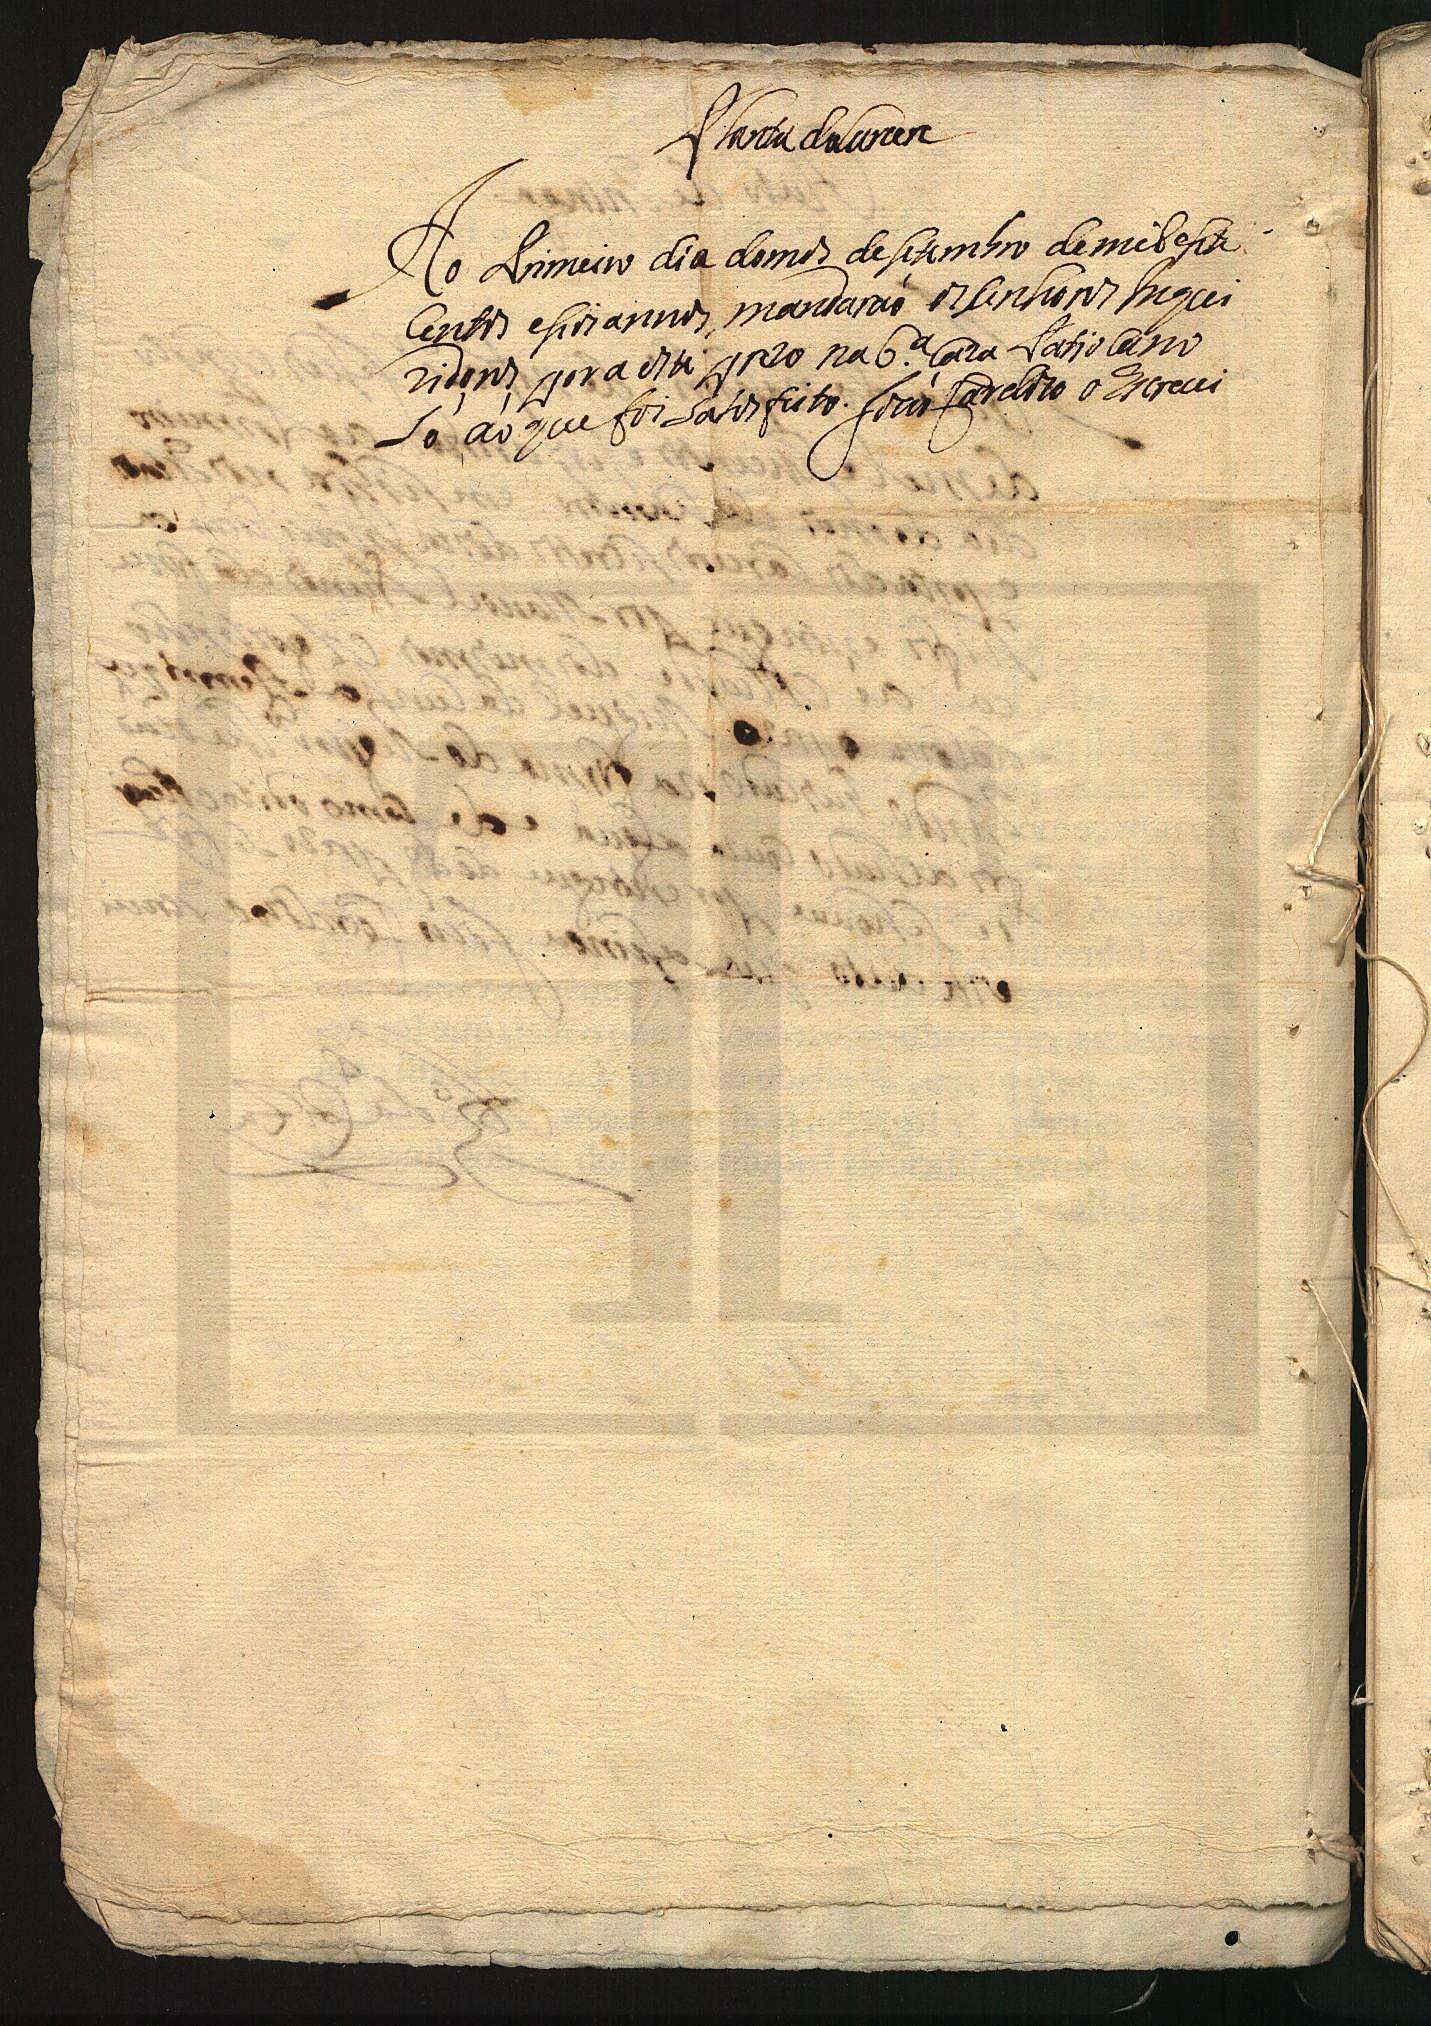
Planta do Carcere
Ao Primeiro dia do mes de setembro de mil e sete
Centos e seis annos, mandaraõ os senhores Inqui
zidores, por a este prezo na 6.a caza Patio Cano
so ao que foi satisfeito. Joaõ Cardozo o Escreui
